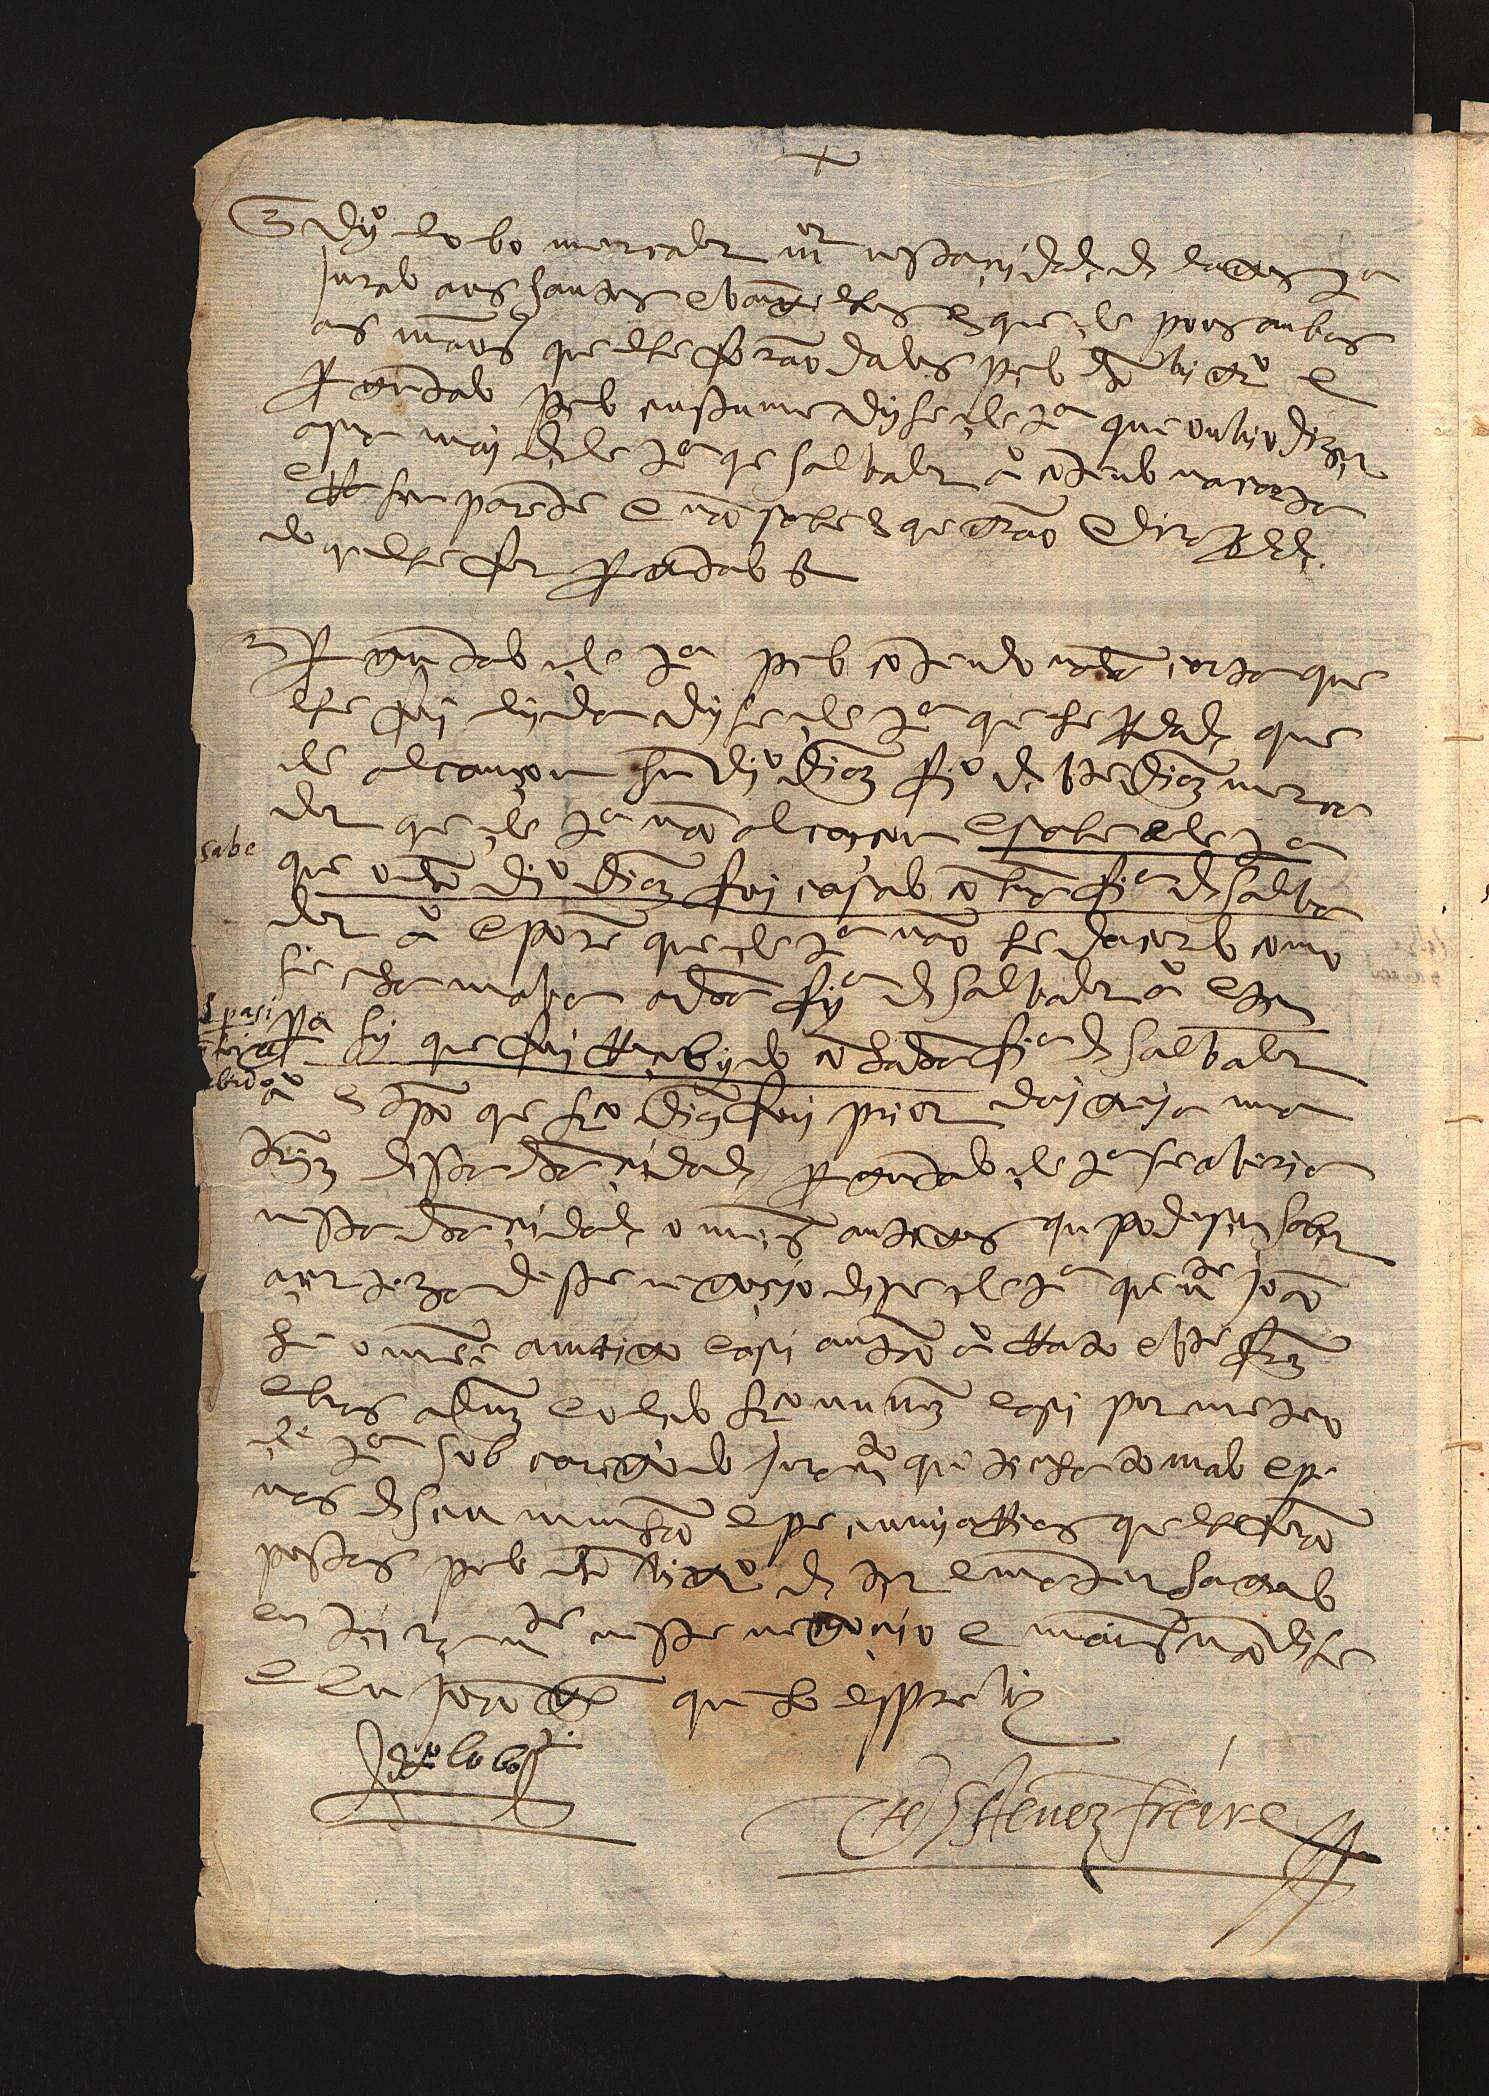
item dyo lobo mercador mor nesta çidade de lagos ta
Jurado aos Santos evāngelhos en que ele poos ambas
as mãos que lhe forão dados pelo d̄to vigro e
ꝑgūtado pelo custume dyse ele ta que ouviu dizer
a sua maj dele ta qe Salvador ao cōteudo na carta
eRa seu pārete e não sabe en qe grāo e dira ꝟdade
do que lhe for ꝑgūtado
item ꝑgūtado ele ta pelo cōteudo na d̄ta carta que
lhe foy lyda dyse ele ta que he ꝟdade que
ele alcansou hū dyo d̄iaz fjo de vte d̄iaz mora
dor qe ele ta não alcacçou e sabe ele ta
que o d̄to dio d̄iaz foj casado cō hūa fia de Salva
dor ao e porē que ele ta não he dacordo como
se chamava a d̄ta fya de Salvador ao e tem
pa Sy que foj Reçebydo cō ha d̄ta fia de Salvador
ao en t̄po que frco d̄iaz foy prior da jgreja ma
tr̄yz desta d̄ta çidade/ ꝑgūtado ele ta se averia
nesta d̄ta çidade om̄es antigos que podesem Saber
a çerteza deste negoçyo dise ele ta que mte João
he om̄ee amtigo e asi antão ao Rato e vte f̄rz
e bras al̄uz e o lçdo frço nun̄ez e asy pormeteo
ele ta Sob o cargo do Juramto que tinha tomado e pe
nas descumunhão e pecunyaRias que lhe forão
postas pelo d̄to vigro de ter e māter Sagredo
enteiramte neste negoçio e m̄ais não dise
e eu João ḡs que ho esprevy
